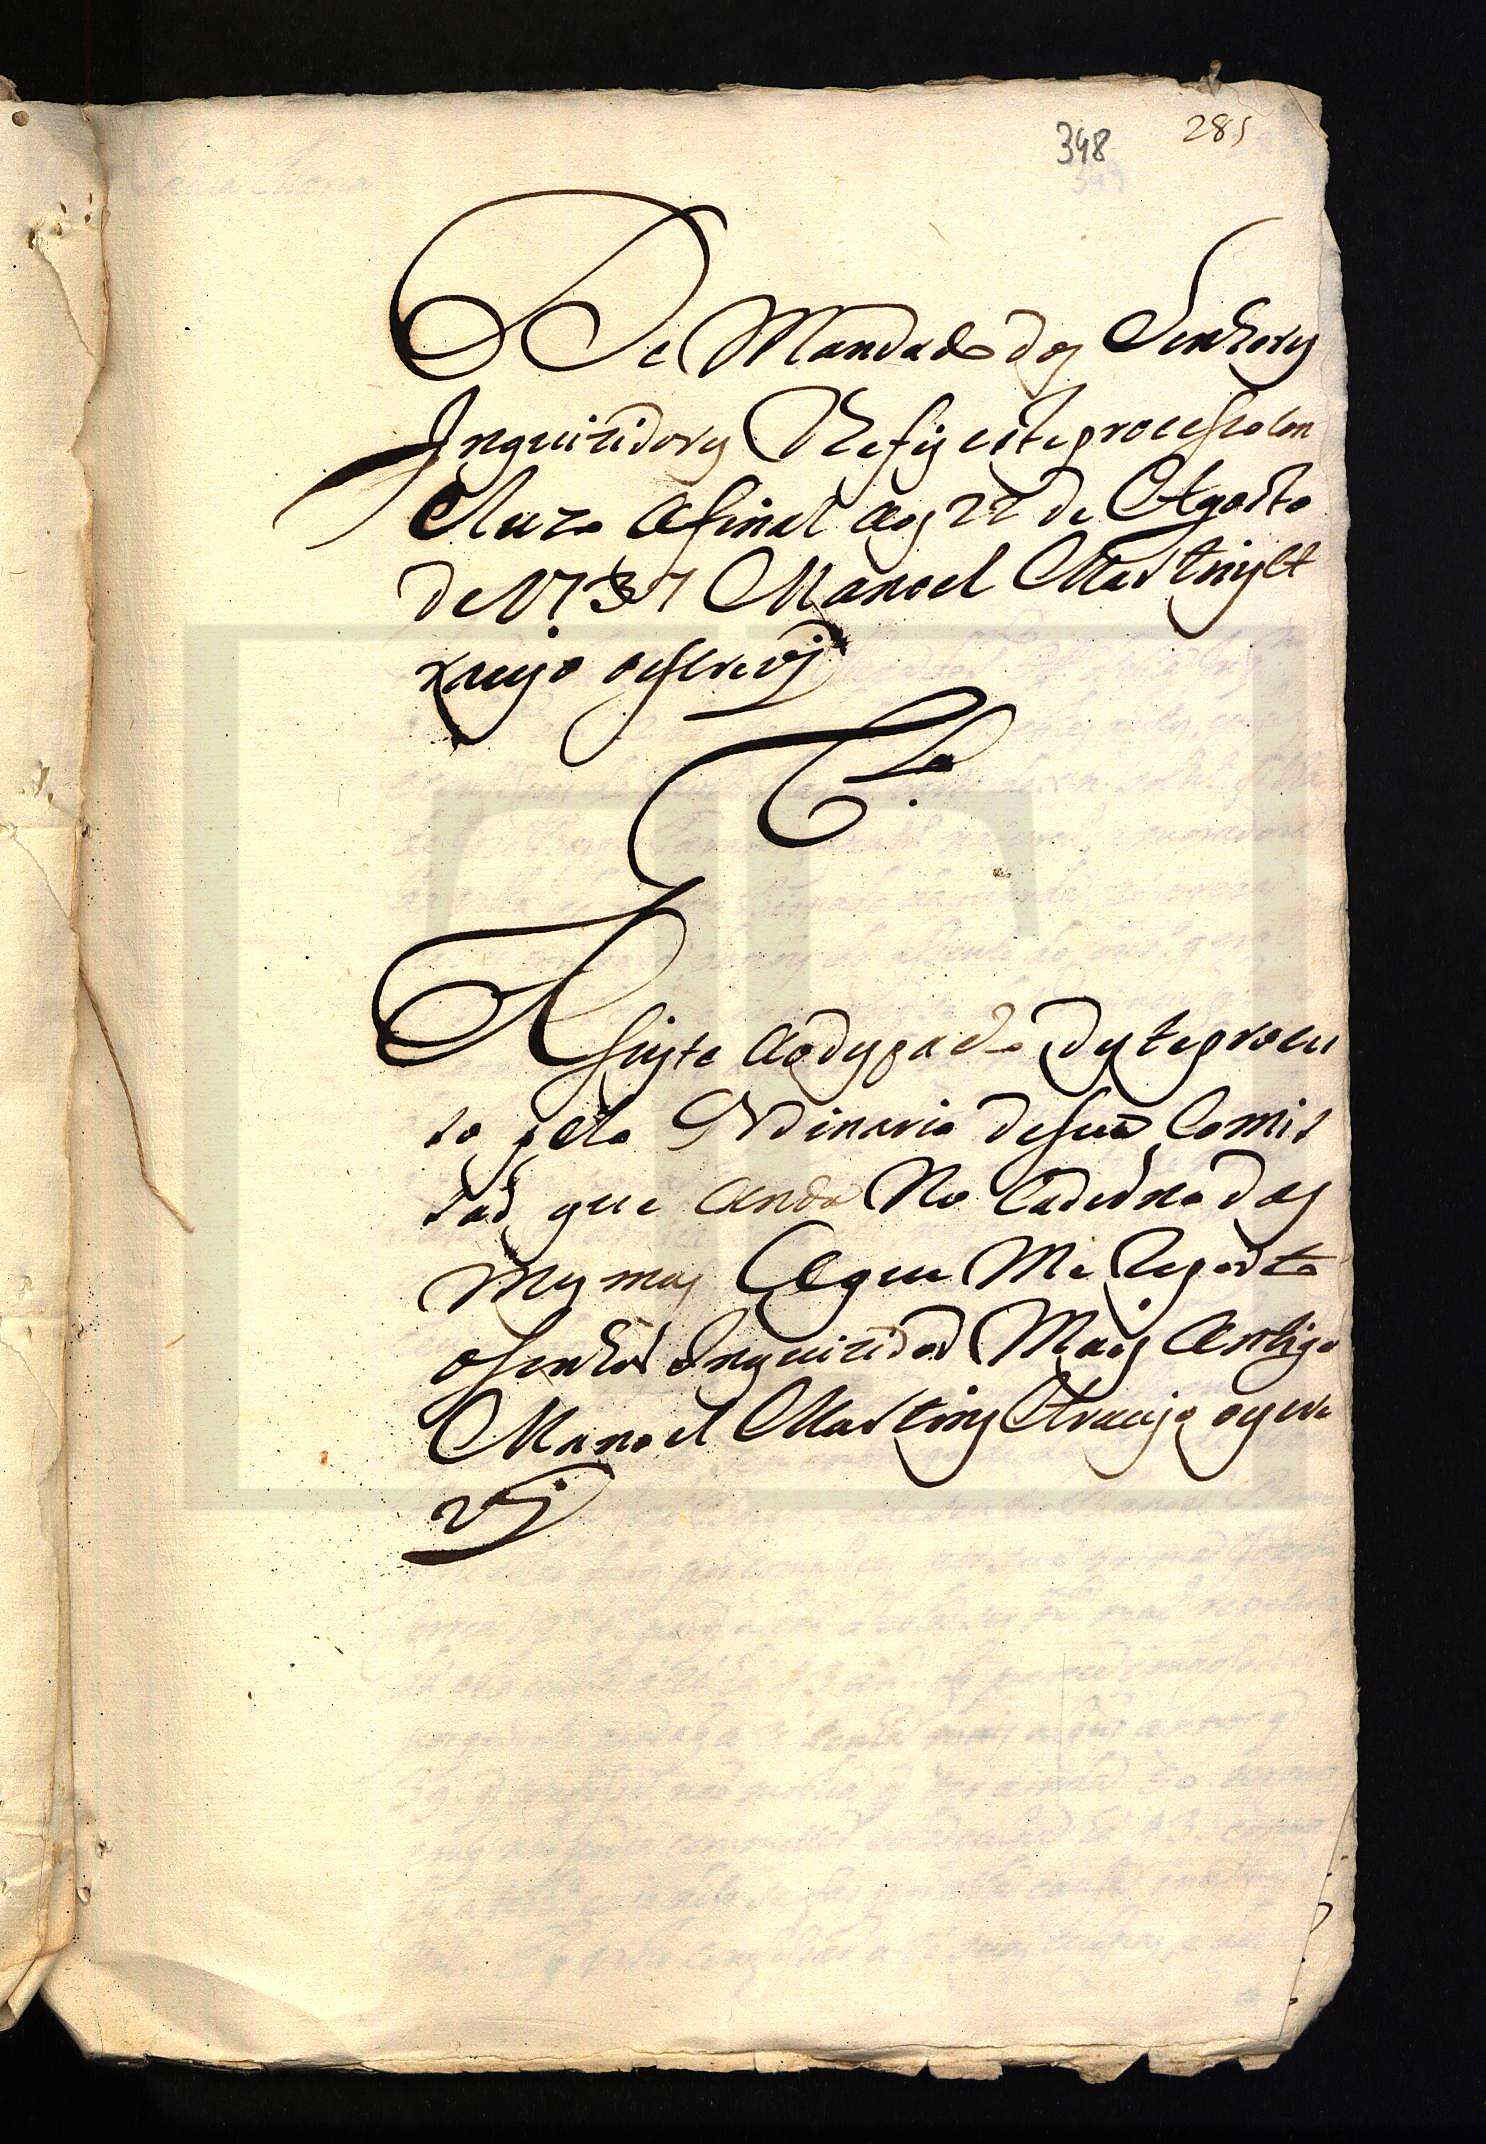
285
De Mandado dos Senhores
Jnquizidores lhe fis este processo con
cluzo afinal aos 22 de Agosto
de 1737 Manoel Martins A
raujo o escrevj.
Assiste ao despacho deste proces
so pelo Ordinario de sua Comis
saõ que anda No Caderno das
mesmas A que Me Reporto
o senhor Inquizidor Mais Antigo
Manoel Martins Araujo o escre
vj
